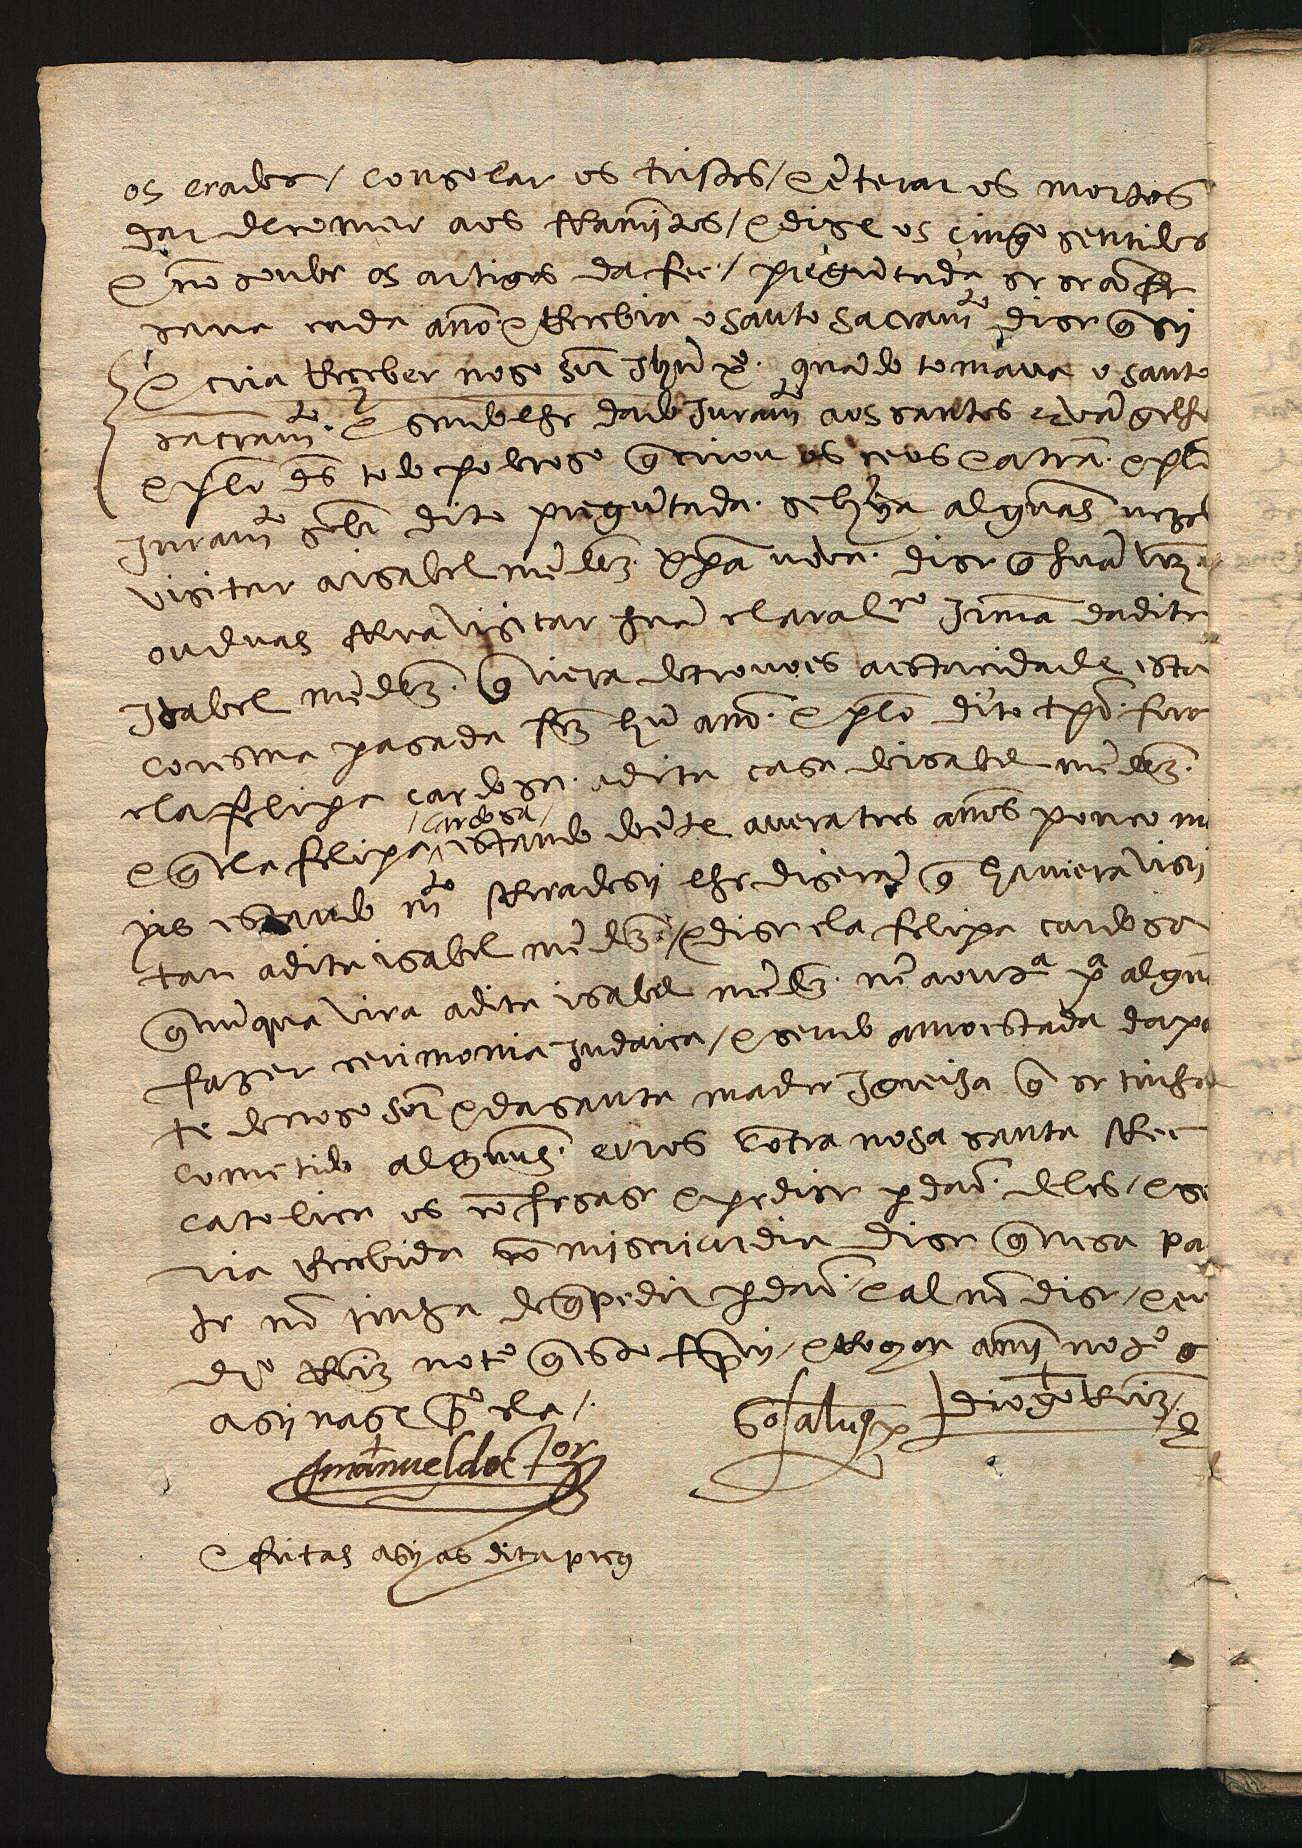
os erados / consolar os tristes / e ēterar os mortos
dar de comer aos ffamj̄tos / e dise os çimq̄o sentidos
e n̄o soube os artigos da fee / pregūtada se se cōfe
saua cada an̄o e Recebia o santo sacramto dise q̄ sy
e cria Reçeber noso s̄or Jhū xo. quādo tomaua o santo
sacramto. e sendolhe dado Juramto aos santos evāgelho
e pl̄o d̄s todo poderoso q̄ criou os çeos e a trā. e pl̄o
Juramto sōbr dito pregūtada. se hya algūas uezes
visitar a isabel mēdez. xp̄a nova. dise q̄ huā vez
ou duas ffora visitar huā clara lco Jrm̄a da dita
Jsabel mēdez. q̄ viera de trouoes a esta çidade esta
coresma pasada fez hū anō. e p̄lo dito tpō. fora
ela felipa cardosa. a dita casa de isabel mēdez
e q̄ ela felipa
cardosa
estando doēte auera tres anōs pouco m
ys estando mto ffora de sy lhe diserā q̄ ha uiera visy
tar a dita isabel mēdez / e dise ela felipa cardosa
q̄ nūqua vira a dita isabel mēdez. nē a outa pa algū
fazer cerimonia Judaica / e sendo amoestada da p
te noso Sōr e da santa madre Jgreija q̄ se tinha
cometido alguūs erros c̄otra nosa santa ffee
catolica os c̄ofesase e pedise ꝑdaõ. deles / e se
ria Revebida c̄o misericordia dise q̄ nesa pa
te nō tinha de q̄ pedir ꝑdaõ ./ e al nō dise / e eu
dio Rōiz noto q̄ esto stp̄vy / e Rogou a m̄j noto q̄
asynase p̄o ela /.
e feitas asy as dita preg
